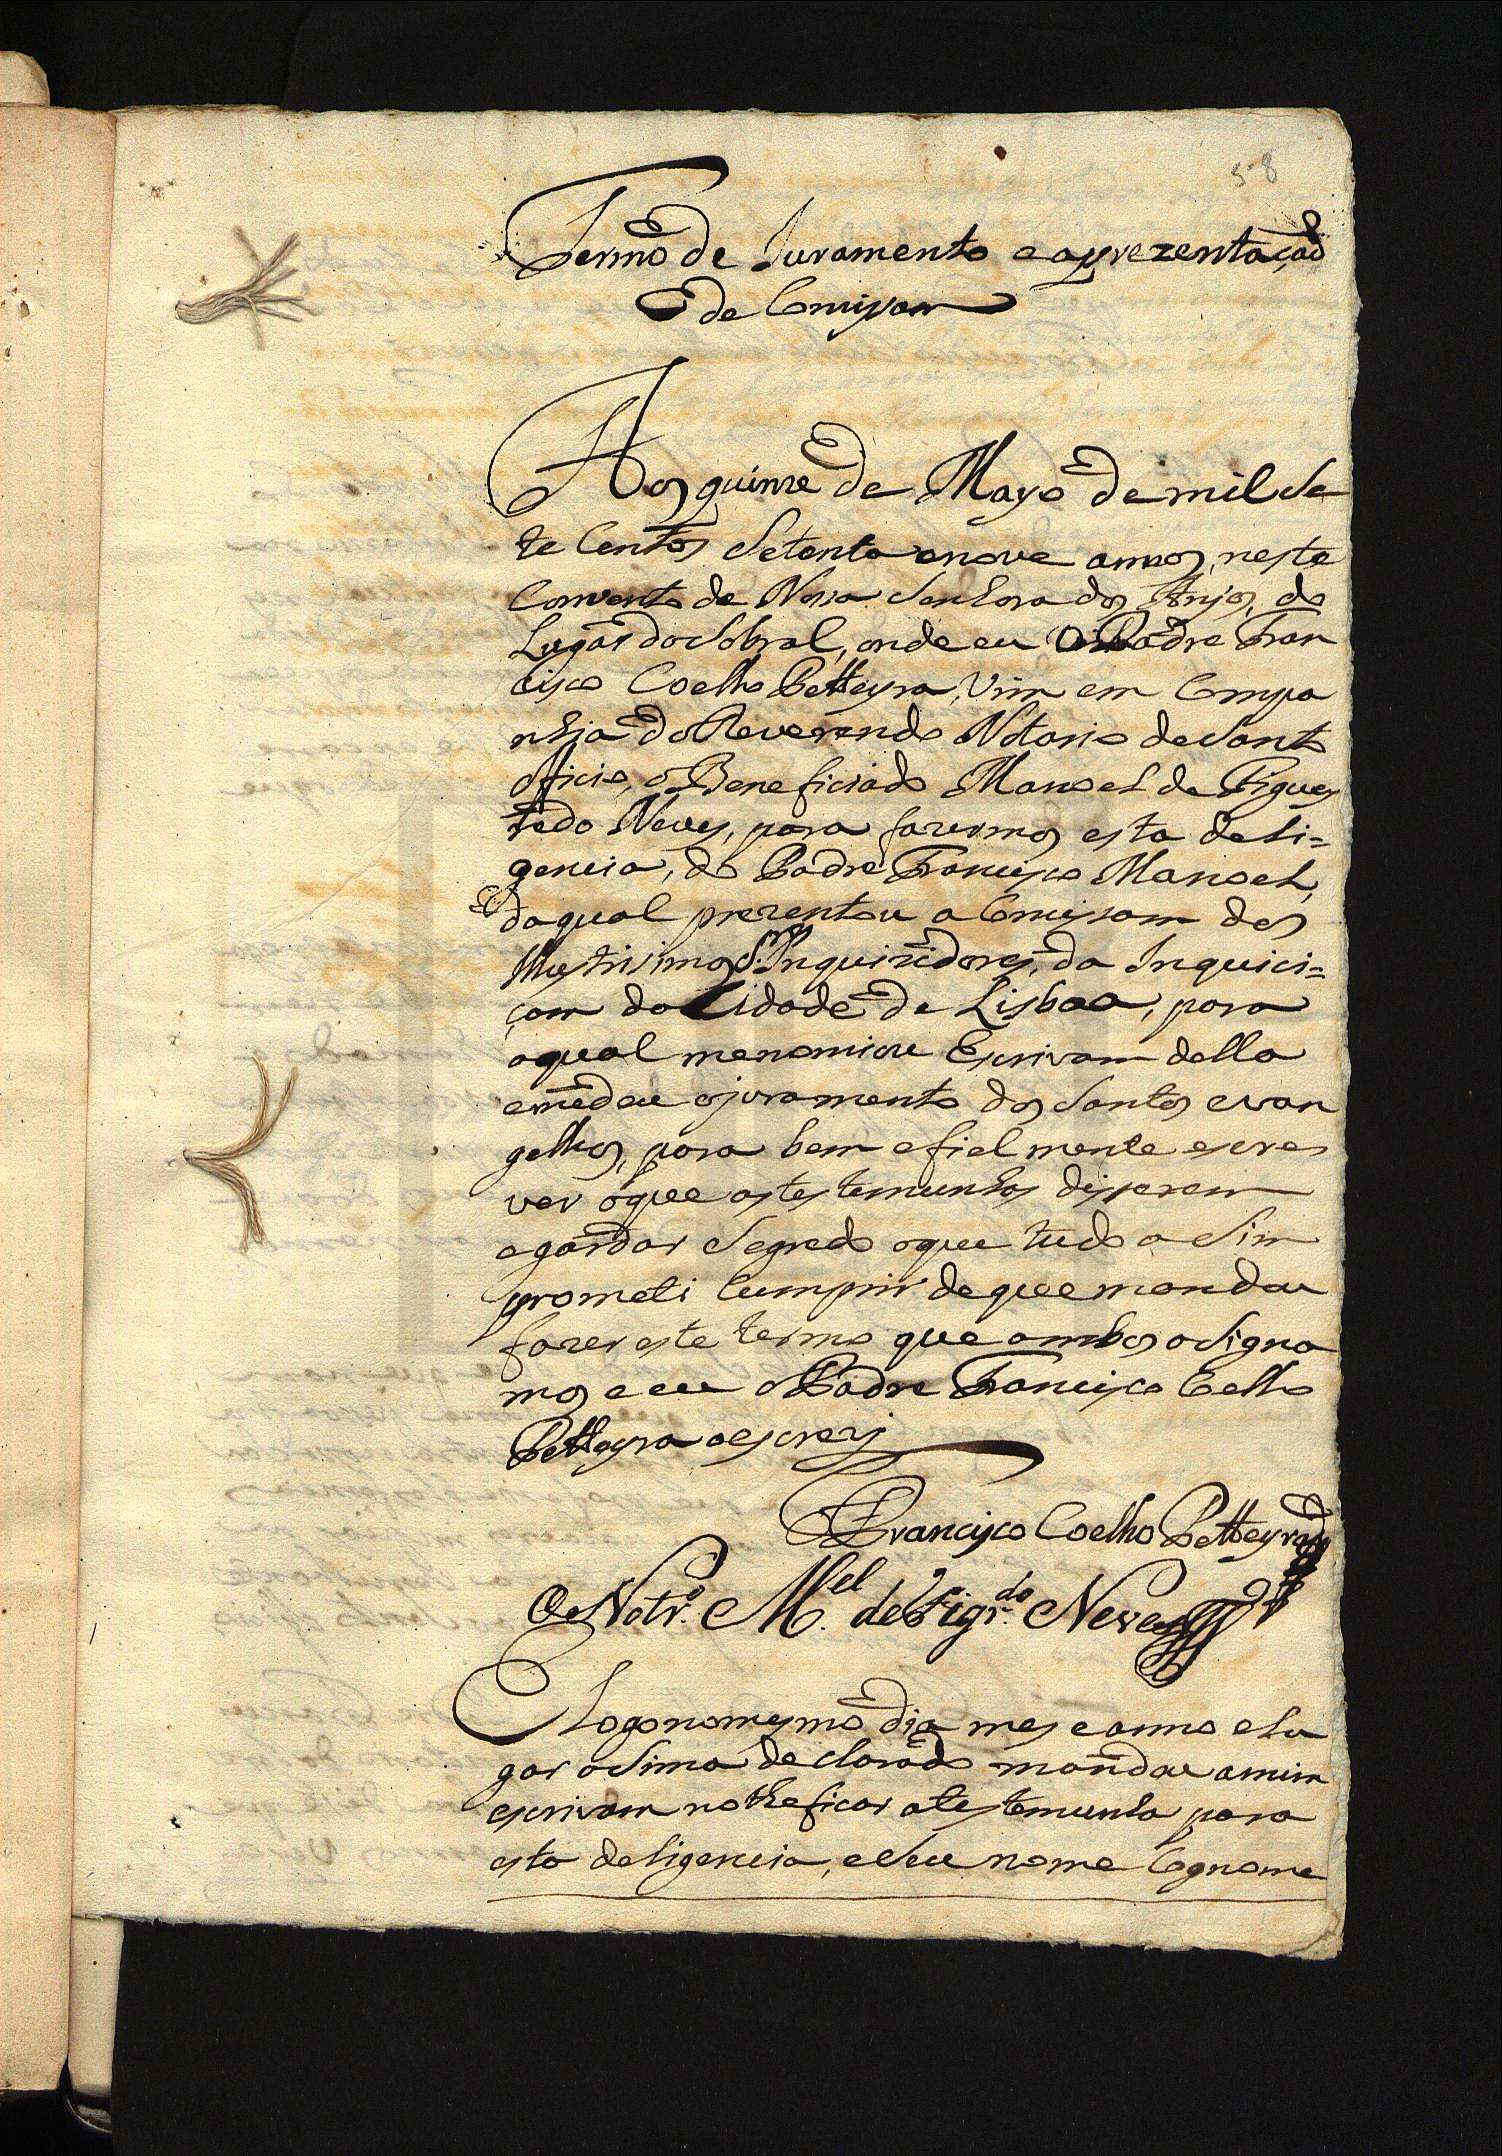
Termo de Iuramento e aprezentação
de Comissam
Aos quinze de Mayo de mil se
teCentos setenta e nove annos, neste
Convento de Nossa Senhora dos Anjos, do
Lugar do Sobral, onde eu O Padre Fran
cisco Coelho Petteyra, Vim em compa
nhia do Reverendo Notario de Santo
officio, o Beneficiado Manoel de Figuey
redo Neves, para fazermos esta deli
gencia, do Padre Francisco Manoel,
do qual prezentou a Comissam dos
Illustrisimos s.res Inquizidores, da Inquici
çam da Cidade de Lisboa, para
o qual me nomiou Escrivam della
e me deu o juramento dos Santos evan
gelhos, para bem e fielmente escre
ver o que as testemunhas disseren
e gardar Segredo o que tudo aSim
prometi cumprir de que mandou
fazer este termo que ambos aSigna
mos e eu o Padre Francisco Coelho
Petteyra o escrevj
Francisco Coelho Petteyra
O Notr.o M.el de Figr.do Neves
E Logo no mesmo dia mes e anno e lu
gar aSima declarado mandou a mim
escrivam notheficar a testemunha para
esta deligencia, e seu nome cognome
